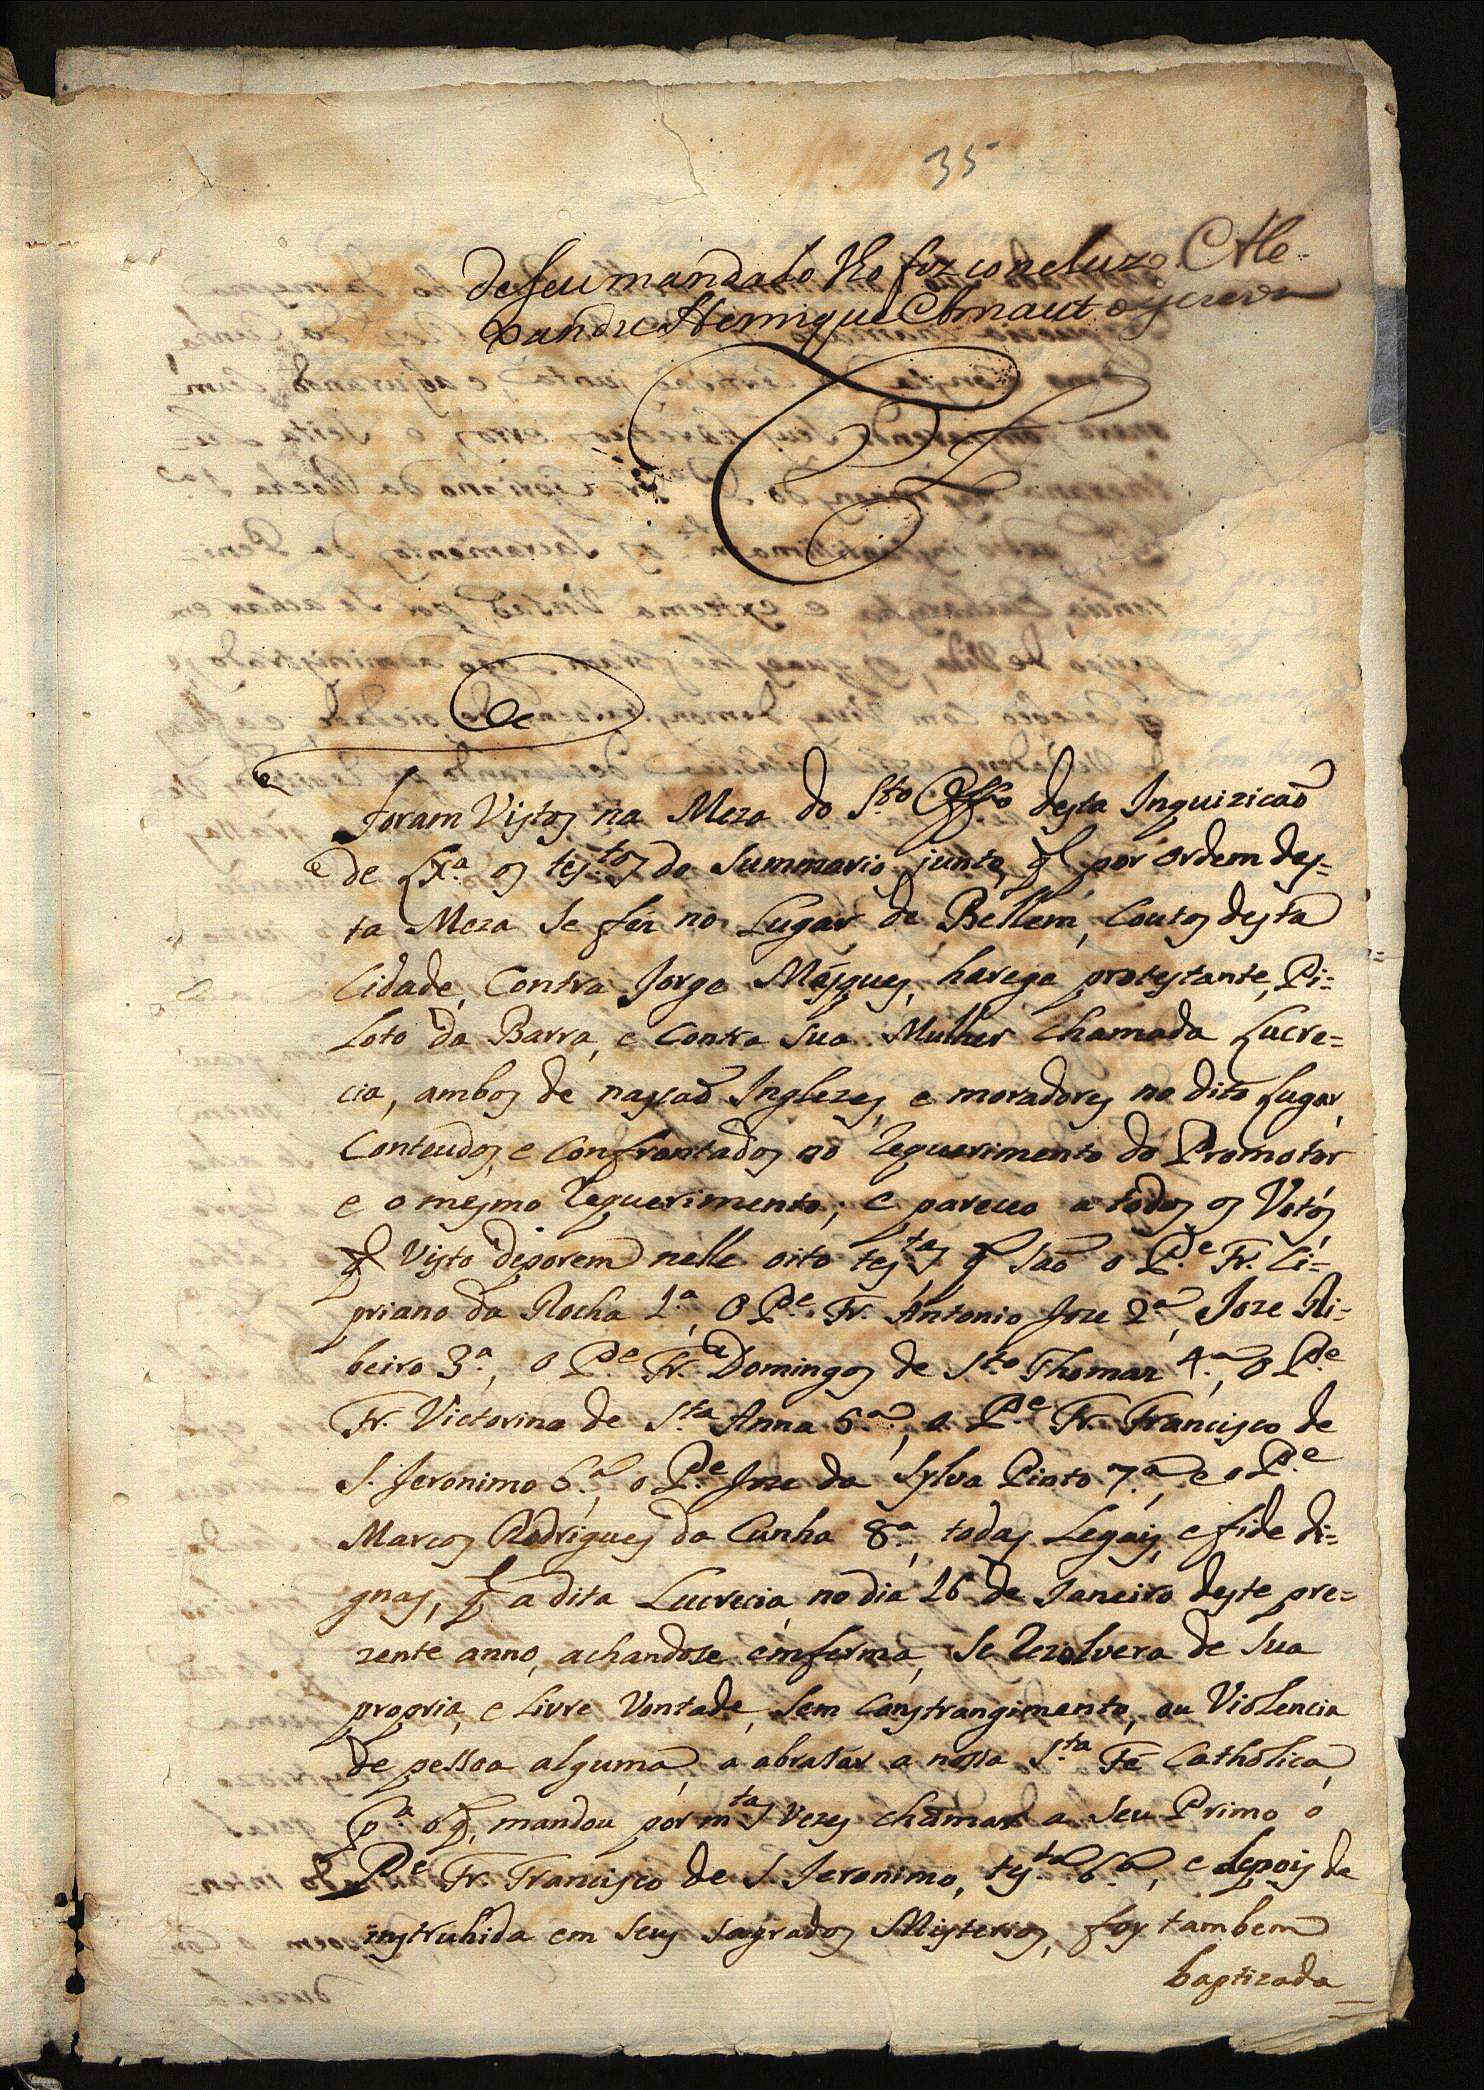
de seu mandado lhe fez concluzo Ale
xandre Henrique Arnaut o escrevi
CLo
Foram Vistos na Meza do S.to Off.o desta Inquiziçaõ
de Lx.a os tes.tos do summario junto, q̄ por ordem des
ta Meza se fez no Lugar de Bellem, Coutos desta
Cidade, Contra Jorge Masques, harege protestante, Pi
Loto da Barra, e Contra sua Mulher chamada Lucre
cia, ambos de nascaõ Inglezes, e moradores no dito Lugar,
Conteudos, e Confrontados no Requerimento do Promotor
e o mesmo Requerimento; e pareceo a todos os Votós
q̄ visto deporem nelle oito tes.tas q̄ saõ o P.e Fr. ci
priano da Rocha 1.a, O P.e Fr. Antonio Joze 2.a, Joze Ri
beiro 3.a, o P.e Fr. Domingos de s.to Thomaz 4.a, o P.e
Fr. Victorino de s.ta Anna 5.a, o P.e Fr. Francisco de
S. Jeronimo 6.a, o P.e Joze da Sylva Pinto 7a, e o P.e
Marcos Rodrigues da Cunha 8.a, todas Legais, e fidedi
gnas, q̄ a dita Lucrecia, no dia 16 de janeiro deste pre
zente anno, achandose emferma, se Rezolvera de sua
propria, e livre vontade, sem constrangimento, ou VioLencia
de pessoa alguma, a abrasár a nossa s.ta Fé Catholica,
p.a o q̄, mandou por mtas vezes chamar a seu Primo o
P.e Fr. Francisco de Ieronimo, tes.ta 6.a, e depois de
instruhida em seus sagrados Misterios, foy tambem
baptizada
